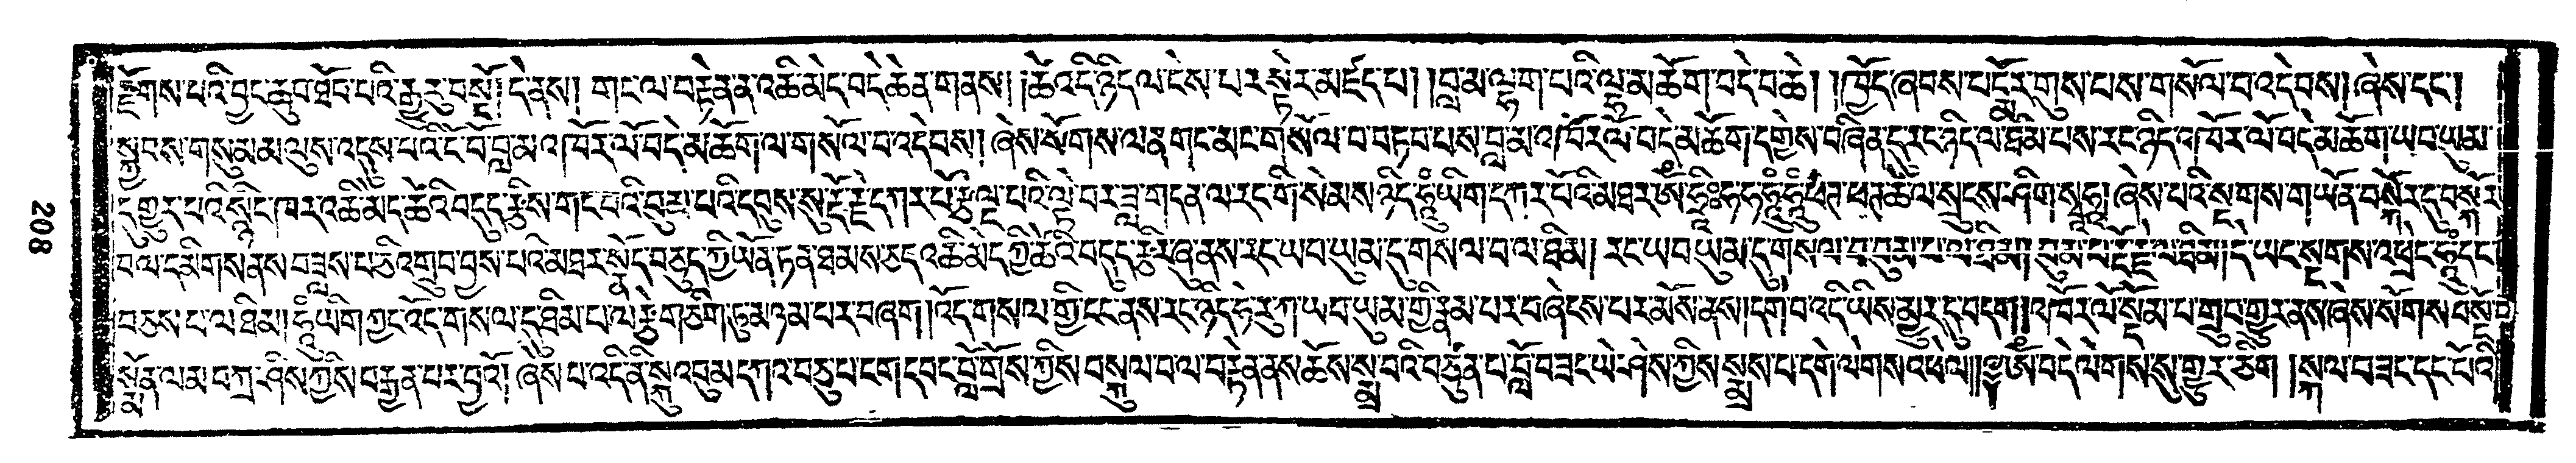རྫོགས་པའི་བྱང་ཆུབ་ཐོབ་པའི་རྒྱུ་རུ་བསྔོ། དེ་ནས། གང་ལ་བརྟེན་ན་འཆི་མེད་བདེ་ཆེན་གནས། །ཚེ་འདི་ཉིད་ལ་ངེས་པར་སྟེར་མཛད་པ། །བླ་མ་ལྷག་པའི་ལྷ་མཆོག་བདེ་བ་ཆེ། །ཁྱོད་ཞབས་པདམོར་གུས་པས་གསོལ་བ་འདེབས། ཞེས་དང་།
སྐྱབས་གསུམ་མ་ལུས་འདུས་པའི་ངོ་བོ་བླ་མ་འཁོར་ལོ་བདེ་མཆོག་ལ་གསོལ་བ་འདེབས། ཞེས་སོགས་ལན་གང་མང་གསོལ་བ་བཏབ་པས་བླ་མ་འཁོར་ལོ་བདེ་མཆོག་དགྱེས་བཞིན་དུ་རང་ཉིད་ལ་ཐིམ་པས་རང་ཉིད་འཁོར་ལོ་བདེ་མཆོག་ཡབ་ཡུམ་
དུ་གྱུར་པའི་སྙིང་ཁར་འཆི་མེད་ཚེའི་བདུད་རྩིས་གང་བའི་བུམ་པའི་དབུས་སུ་རྡོ་རྗེ་དཀར་པོ་རྩེ་ལྔ་པའི་ལྟེ་བར་ཟླ་གདན་ལ་རང་གི་སེམས་ཉིད་ཧཱུཾ་ཡིག་དཀར་པོའི་མཐར་ཨོཾ་ཧྲཱིཿཧ་ཧ་ཧཱུཾ་ཧཱུཾ་ཕཊ་ཕཊ་ཚེ་ལ་སྲུངས་ཤིག་སྭཱཧཱ། ཞེས་པའི་སྔགས་གཡོན་བསྐོར་དུ་བསྐོར་
བ་ལ་དམིགས་ནས་བཟླས་པ་ཅི་འགྲུབ་བྱས་པའི་མཐར་སྣོད་བཅུད་ཀྱི་ཡོན་ཏན་ཐམས་ཅད་འཆི་མེད་ཀྱི་ཚེའི་བདུད་རྩིར་ཞུ་ནས་རང་ཡབ་ཡུམ་དུ་གསལ་བ་ལ་ཐིམ། རང་ཡབ་ཡུམ་དུ་གསལ་བ་བུམ་པ་ལ་ཐིམ། བུམ་པ་རྡོ་རྗེ་ལ་ཐིམ། དེ་ཡང་སྔགས་འཕྲེང་ཧཱུཾ་དང་
བཅས་པ་ལ་ཐིམ། ཧཱུཾ་ཡིག་ཀྱང་འོད་གསལ་དུ་ཐིམ་པ་ལ་རྩེ་གཅིག་ཏུ་མཉམ་པར་བཞག །འོད་གསལ་གྱི་ངང་ནས་རང་ཉིད་ཧེ་རུ་ཀ་ཡབ་ཡུམ་གྱི་རྣམ་པར་བཞེངས་པར་མོས་ནས། དགེ་བ་འདི་ཡིས་མྱུར་དུ་བདག། འཁོར་ལོ་སྡོམ་པ་གྲུབ་གྱུར་ནས་ཞེས་སོགས་བསྔོ་བ་
སྨོན་ལམ་བཀྲ་ཤིས་ཀྱིས་བརྒྱན་པར་བྱའོ། ཞེས་པ་འདི་ནི་སྐུ་འབུམ་དཀའ་བཅུ་པ་ངང་དབང་བློ་གྲོས་ཀྱིས་བསྐུལ་བ་ལ་བརྟེན་ནས་ཆོས་སྨྲ་བའི་བཙུན་པ་བློ་བཟང་ཡེ་ཤེས་ཀྱིས་སྨྲས་པ་དགེ་ལེགས་འཕེལ།། ༈ ཨོཾ་བདེ་ལེགས་སུ་གྱུར་ཅིག །སྐལ་བཟང་དང་པོའི་